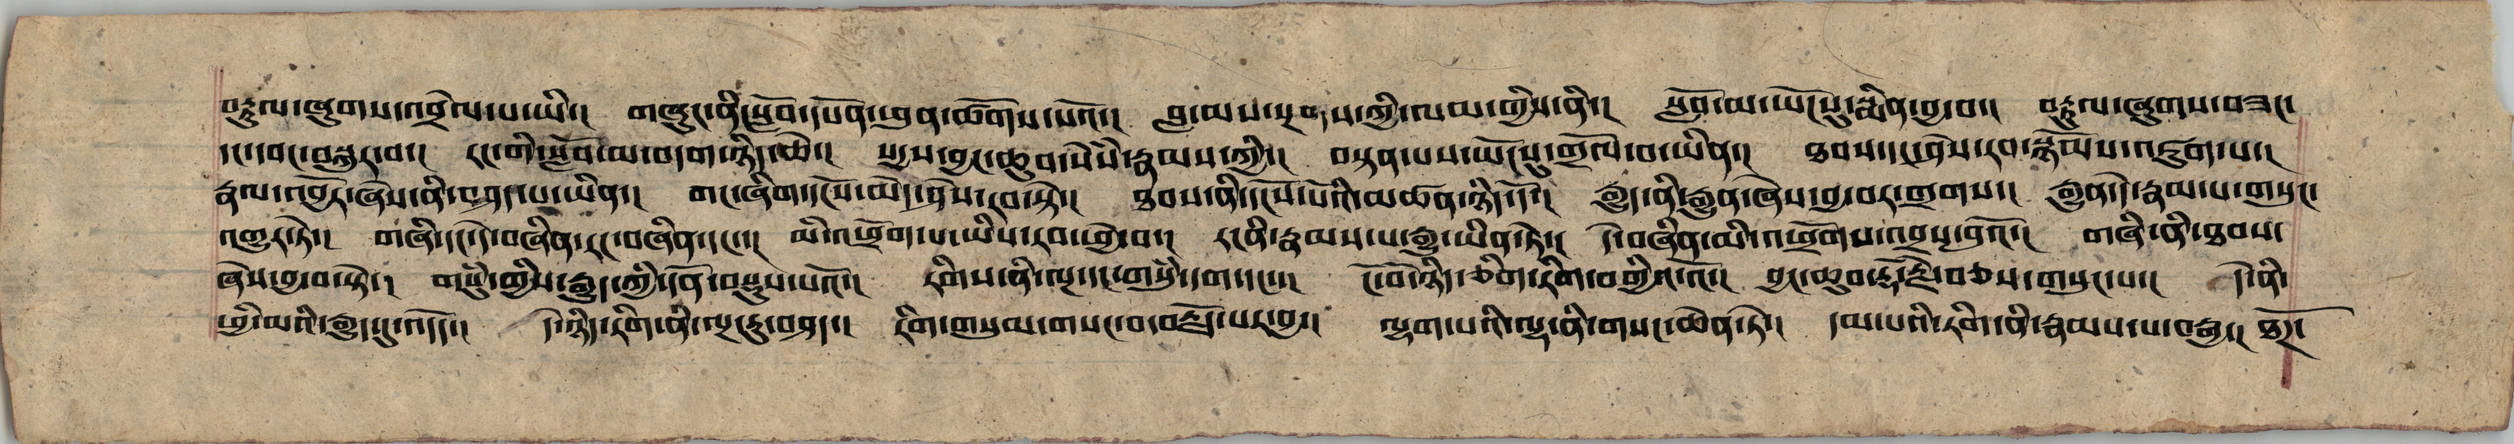བརྟུལ་ཞུགས་འབྲེལ་པ་ཡི་། གཞུང་ནི་སློབ་དཔོན་ཕུན་ཚོགས་པའོ་། བླ་མས་སྔགས་ཀྱི་ལམ་གྱིས་ནི་། སློབ་མ་ཡོངསུ་སྨིན་བྱ་བ་། བརྟུལ་ཞུགས་བཟང་
དང་དབང་བསྐུར་བ་། རང་གི་སློབ་མ་བདག་ཉིད་ཆེ་། སདྱས་བྱང་ཆུབ་སེཾས་རྣམས་ཀྱི་། བསྟན་པས་ཡོངསུ་གྲོལ་བ་ཡིན་། ཐབས་དང་ཤེས་རབ་སྙོམས་འཇུག་པ་།
རྣལ་འབྱོར་ཞེས་ནི་བཤད་པ་ཡིན་། གང་ཞིག་དངོས་མེད་ཤེས་རབ་སྟེ་། ཐབས་ནི་དངོས་པོའི་མཚན་ཉིད་དོ་། རྒྱུད་ནི་རྒྱུན་ཞེས་བྱ་བར་གྲགས་། རྒྱུན་དེ་རྣམ་པ་གསུང་
འགྱུར་ཏེ་། གཞི་དང་དེ་བཞིན་རང་བཞིན་དང་་། མི་འཕྲོག་པ་ཡིས་རབ་ཕྱེ་བ་། རངིན་རྣམས་པ་རྒྱུ་ཡིན་ཏེ་། དེ་བཞིན་མི་འཕྲོགས་འབྲས་བུའོ་། གཞི་ནི་ཐབས་
ཞེས་བྱ་བ་སྟེ་། གསུཾ་གྱིས་རྒྱུད་ཀྱི་དོན་བསྡུས་པའོ་། རིགས་ནི་ལྔ་དང་གསུཾ་དག་དང་་། ངོ་བོ་ཉིད་ཅིག་རིག་བགྱིའ་འོ་། བྱང་ཆུབ་རྡོ་རྗེ་བཅས་གསུང་པ་། དེ་ནི་
ཕྱི་མའི་རྒྱུད་དུ་འདོད་། དེ་ཉིད་རིག་ནི་ལྔ་རུ་བཤད་། རིག་གསུམ་གསང་བ་བརྗོད་པར་བྱ་། ལྷག་པའི་ལྷ་ནི་གསང་ཆེན་ཏེ་། དམ་པའི་རིག་ནི་རྣམས་པ་བརྒྱ་། ཐོཌ་